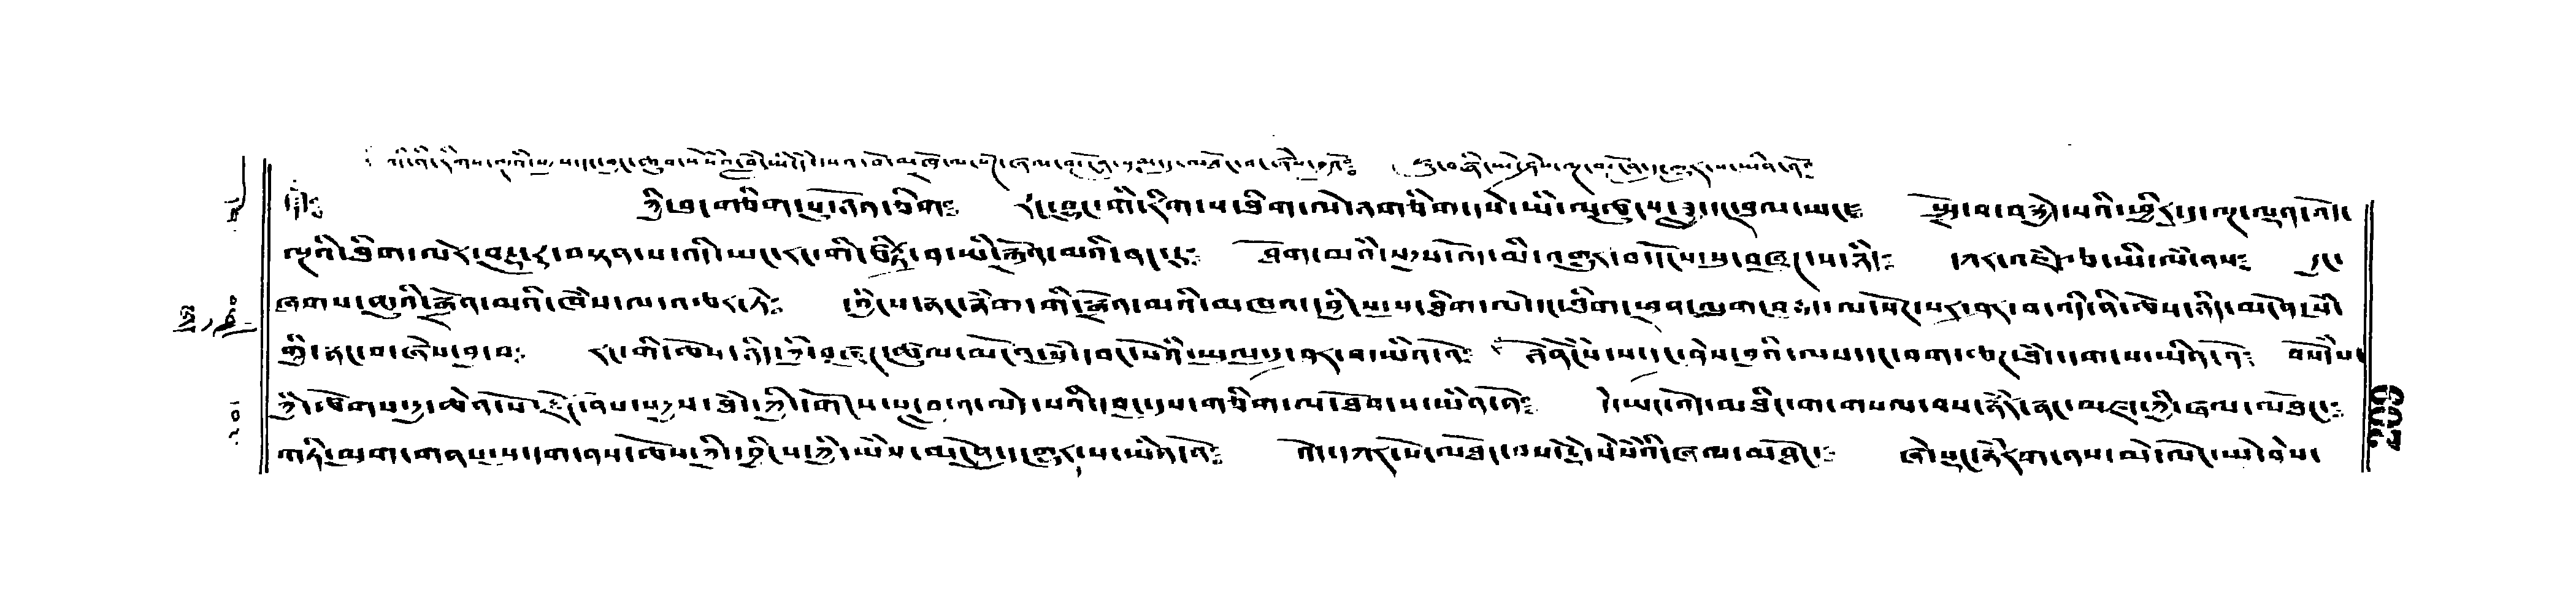ཀྱི་བུ་གཅིག་པུ་ཉོན་ཅིག༔ རང་བྱུང་གི་རིག་པ་ཐིག་ལེ་ཉག་གཅིག་དཔེ་ཡིས་མཚུངས་ཟླ་དང་བྲལ་ཡང༔ སྤྲོ་བ་བསྐྱེད་པའི་ཕྱིར་དུ་ལྔ་ལྡན་འོད་
ལྔའི་ཐིག་ལེར་བརྡ་རུ་བསྟན་པ་འདི་ཡང་རང་གི་ཙིཏྟ་ཤ་ཡི་སྒྲོན་མའི་ནང་དུ༔ ཐོག་མའི་སངས་རྒྱས་འོད་མི་འགྱུར་བ་དངོས་སུ་བཞུགས་པ་ཉིད༔ དཀར་འཇམ་རྩ་ཡི་ལམ་ནས༔ རྒྱང་
ཞུགས་ཆུའི་སྒྲོན་མའི་ཁམས་ལ་འཆར་ཏེ༔ དབྱིངས་སྣང་རྣམ་དག་གི་སྒྲོན་མའི་མཁའ་དབྱིངས་སུ་ཐིག་ལེ་དང་ཐིག་ཕྲན་ལུག་བརྒྱུད་ལ་སོགས་པར་ཤར་བ་འདི་ནི་ཆོས་ཉིད་མངོན་སུམ་
གྱི་སྣང་བ་ཞེས་བྱ་བ༔ རང་གི་ཆོས་ཉིད་ཀྱི་བཞུགས་ཚུལ་མངོན་སུམ་དབང་པོའི་ཡུལ་དུ་ཤར་བ་ཡིན་ནོ༔ ཉོན་མོངས་པ་དང་ཤེས་བྱའི་ལས་དང་བག་ཆགས་ཐམས་ཅད་དག་པ་ཡིན་ནོ༔ བསོད་ནམས་
ཀྱི་ཚོགས་རྒྱ་ཆེན་པོ་རྫོགས་ནས་སངས་རྒྱས་ཐམས་ཅད་ཀྱི་དགོངས་པ་བླ་ན་མེད་པའི་དབང་དུས་གཅིག་ལ་ཐོབ་པ་ཡིན་ནོ༔ དེ་ཡང་འོད་མཐིང་ག་གསལ་བས་རྣམ་པར་སྣང་མཛད་ཀྱི་ཞལ་མཐོང༔ 
གཏི་མུག་གནས་སུ་དག་ནས་ཆོས་ཀྱི་དབྱིངས་ཀྱི་ཡེ་ཤེས་མངོན་དུ་གྱུར་པ་ཡིན་ནོ༔ འོད་དཀར་པོ་མཐོང་བས་རྡོ་རྗེ་སེམས་དཔའི་ཞལ་མཐོང༔ ཞེ་སྡང་རྣམ་པར་དག་ནས་མེ་ལོང་ཡེ་ཤེས་